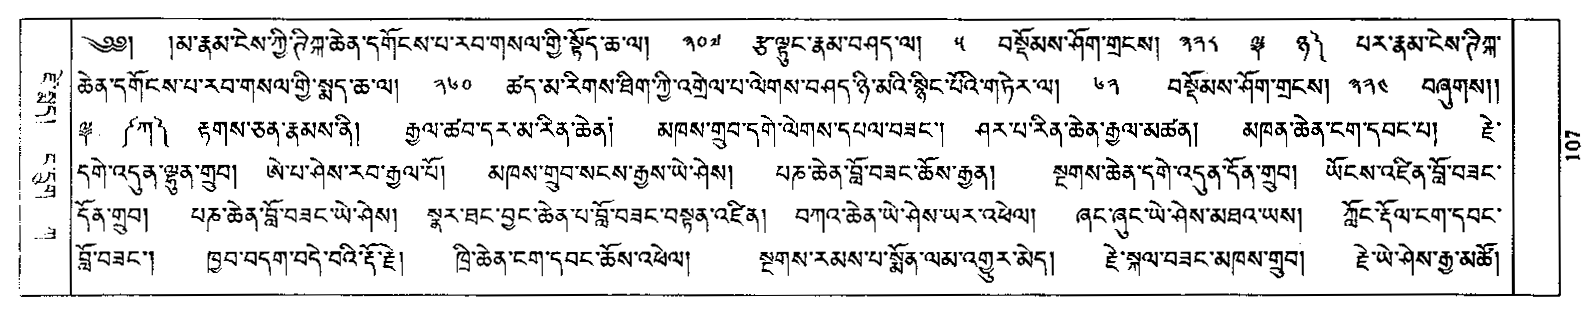༄༅། །མ་རྣམ་ངེས་ཀྱི་ཊིཀྐ་ཆེན་དགོངས་པ་རབ་གསལ་གྱི་སྟོད་ཆ་ལ། ༣༠༧་རྩ་ལྟུང་རྣམ་བཤད་ལ། ༥་བསྡོམས་ཤོག་གྲངས། ༣༢༨་༈ ཉ་པར་རྣམ་ངེས་ཊིཀྐ་
ཆེན་དགོངས་པ་རབ་གསལ་གྱི་སྨད་ཆ་ལ། ༢༦༠་ཚད་མ་རིགས་ཐིག་ཀྱི་འགྲེལ་པ་ལེགས་བཤད་ཉི་མའི་སྙིང་པོའི་གཏེར་ལ། ༦༢་བསྡོམས་ཤོག་གྲངས། ༣༢༤་བཞུགས།།
༈ ?ཀ་རྟགས་ཅན་རྣམས་ནི། རྒྱལ་ཚབ་དར་མ་རིན་ཆེན། མཁས་གྲུབ་དགེ་ལེགས་དཔལ་བཟང་། ཤར་པ་རིན་ཆེན་རྒྱལ་མཚན། མཁན་ཆེན་ངག་དབང་པ། རྗེ་
དགེ་འདུན་ལྷུན་གྲུབ། ཨེ་པ་ཤེས་རབ་རྒྱལ་པོ། མཁས་གྲུབ་སངས་རྒྱས་ཡེ་ཤེས། པཎ་ཆེན་བློ་བཟང་ཆོས་རྒྱན། སྔགས་ཆེན་དགེ་འདུན་དོན་གྲུབ། ཡོངས་འཛིན་བློ་བཟང་
དོན་གྲུབ། པཎ་ཆེན་བློ་བཟང་ཡེ་ཤེས། སྣར་ཐང་བྱང་ཆེན་པ་བློ་བཟང་བསྟན་འཛིན། བཀའ་ཆེན་ཡེ་ཤེས་ཡར་འཕེལ། ཞང་ཞུང་ཡེ་ཤེས་མཐའ་ཡས། ཀློང་རྡོལ་ངག་དབང་
བློ་བཟང་། ཁྱབ་བདག་བདེ་བའི་རྡོ་རྗེ། ཁྲི་ཆེན་ངག་དབང་ཆོས་འཕེལ། སྔགས་རམས་པ་སྨོན་ལམ་འགྱུར་མེད། རྗེ་སྐལ་བཟང་མཁས་གྲུབ། རྗེ་ཡེ་ཤེས་རྒྱ་མཚོ།